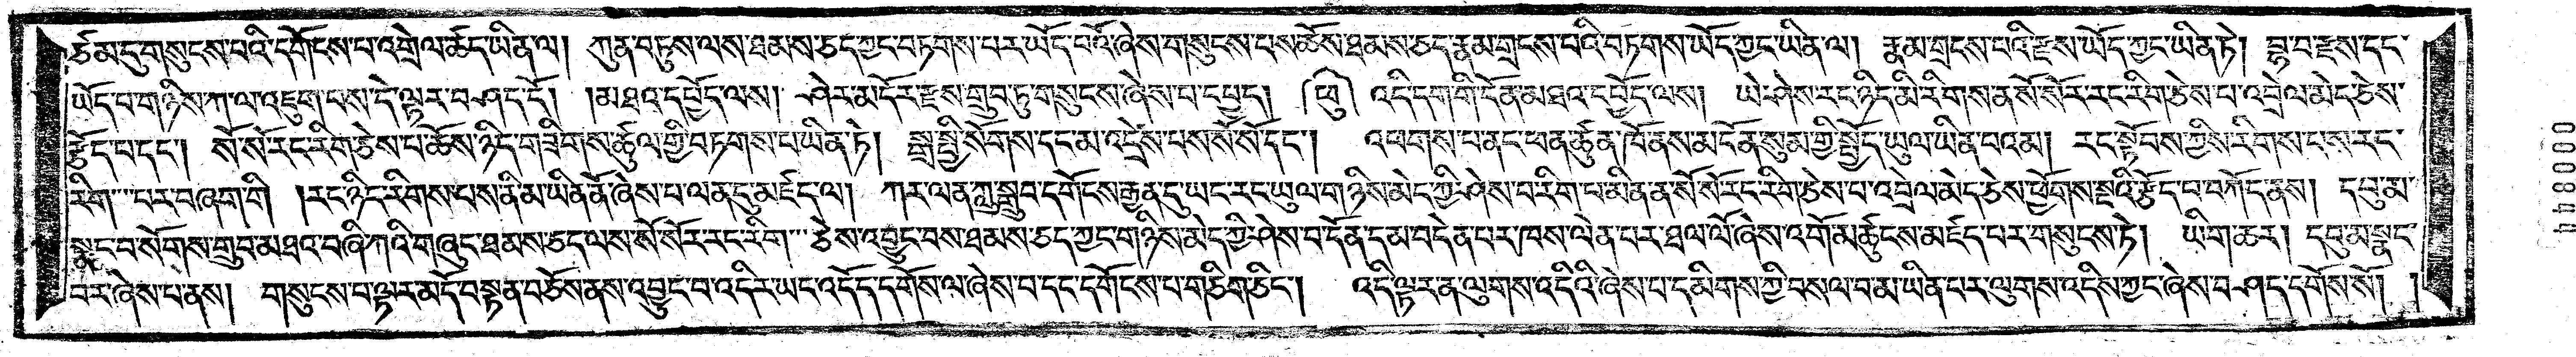ཙམ་དུ་གསུངས་པའི་དགོངས་པ་འགྲེལ་ཚད་ཡིན་ལ། ཀུན་བཏུས་ལས་ཐམས་ཅད་ཀྱང་བཏགས་པར་ཡོད་པའོ་ཞེས་གསུངས་པས་ཆོས་ཐམས་ཅད་རྣམ་གྲངས་པའི་བཏགས་ཡོད་ཀྱང་ཡིན་ལ། རྣམ་གྲངས་པའི་རྫས་ཡོད་ཀྱང་ཡིན་ཏེ། བྷ་བ་རྫས་དང་
ཡོད་པ་གཉིས་ཀ་ལ་འཇུག་པས་དེ་ལྟར་བཤད་དོ། །མཐའ་དཔྱོད་ལས། ཤེར་མདོར་རྫས་གྲུབ་ཏུ་གསུངས་ཞེས་པ་དཔྱད། ༼ཕུ༽ འདི་དག་གི་དོན་མཐའ་དཔྱོད་ལས། ཡེ་ཤེས་རང་ཉིད་མི་རིགས་ན་སོ་སོར་རང་རིག་ཅེས་པ་འབྲེལ་མེད་ཅེས་
རྩོད་པ་དང་། སོ་སོ་རང་རིག་ཅེས་པ་ཆོས་ཉིད་གཟིགས་ཚུལ་གྱི་བཏགས་པ་ཡིན་ཏེ། སྒྲ་སྤྱི་སོགས་དང་མ་འདྲེས་པས་སོ་སོ་དང་། འཕགས་པ་ནང་ཕན་ཚུན་ཁོ་ནས་མངོན་སུམ་གྱི་སྤྱོད་ཡུལ་ཡིན་པའམ། རང་སྟོབས་ཀྱིས་རིགས་པས་རང་
རིག་པར་བཞག་གི །རང་ཉིད་རིགས་པས་ནི་མ་ཡིན་ནོ་ཞེས་པ་ལན་དུ་མཛད་ལ། ཀར་ལན་ཀླུ་སྒྲུབ་དགོངས་རྒྱན་དུ་ཡང་རང་ཡུལ་གཉིས་མེད་ཀྱི་ཤེས་པ་རིག་པ་མིན་ན་སོ་སོ་རང་རིག་ཅེས་པ་འབྲེལ་མེད་ཅེས་ཕྱོགས་སྔའི་རྩོད་པ་བཀོད་ནས། དབུ་མ་
སྣང་བ་སོགས་གྲུབ་མཐའ་བཞི་ཀའི་གཟུང་ཐམས་ཅད་ལས་སོ་སོར་རང་རིག་ཅེས་འབྱུང་བས་ཐམས་ཅད་ཀྱང་གཉིས་མེད་ཀྱི་ཤེས་པ་དོན་དམ་བདེན་པར་ཁས་ལེན་པར་ཐལ་ལོ་ཞེས་འགོ་མཚུངས་མཛད་པར་གསུངས་ཏེ། ཡིག་ཆར། དབུ་མ་སྣང་
བར་ཞེས་པ་ནས། གསུངས་པ་ལྟར་མདོ་བསྟན་བཅོས་ནས་འབྱུང་བ་འདིར་ཡང་འདོད་དགོས་ལ་ཞེས་པ་དང་དགོངས་པ་གཅིག་ཅིང་། འདི་ལྟར་ན་ལུགས་འདིའི་ཞེས་པ་དམིགས་ཀྱི་བསལ་བ་མ་ཡིན་པར་ལུགས་འདིས་ཀྱང་ཞེས་བཤད་དགོས་སོ། །